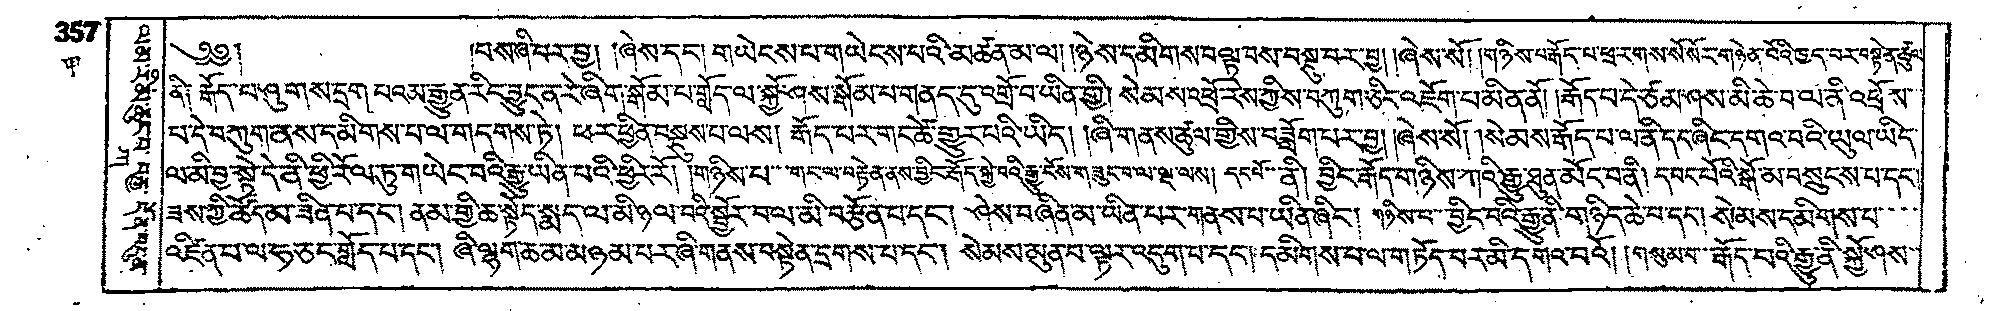༄༅། །པས་ཞི་བར་བྱ། །ཞེས་དང་། གཡེངས་པ་གཡེངས་པའི་མཚན་མ་ལ། །ཉེས་དམིགས་བལྟ་བས་བསྡུ་བར་བྱ། །ཞེས་སོ། །གཉིས་པ་རྒོད་པ་ཕྲ་རགས་སོ་སོར་གཉེན་པོའི་ཁྱད་པར་བསྟེན་ཚུལ་
ནི༑ རྒོད་པ་ཤུགས་དྲག་པའམ་རྒྱུན་རིང་བྱུང་ན་རེ་ཞིག་སྒོམ་པ་གློད་ལ་སྐྱོ་ཤས་སྒོམ་པ་གནད་དུ་འགྲོ་བ་ཡིན་གྱི། སེམས་འཕྲོ་རེས་ཀྱིས་བཀུག་ཅིང་འཇོག་པ་མིན་ནོ། །རྒོད་པ་དེ་ཙམ་ཤས་མི་ཆེ་བ་ལ་ནི་འཕྲོས་
པ་དེ་བཀུག་ནས་དམིགས་པ་ལ་གདགས་ཏེ། ཕར་ཕྱིན་བསྡུས་པ་ལས། རྒོད་པར་གང་ཚེ་གྱུར་པའི་ཡིད། །ཞི་གནས་ཚུལ་གྱིས་བཟློག་པར་བྱ། །ཞེས་སོ། །སེམས་རྒོད་པ་ལ་ནི་དང་ཞིང་དགའ་པའི་ཡུལ་ཡིད་
ལ་མི་བྱ་སྟེ་དེ་ནི་ཕྱི་རོལ་ཏུ་གཡེང་བའི་རྒྱུ་ཡིན་པའི་ཕྱིར་རོ། །གཉིས་པགང་ལ་བརྟེན་ནས་བྱིང་རྒོད་སྐྱེ་བའི་རྒྱུ་ངོས་གཟུང་བ་ལ་ལྔ་ལས། དང་པོནི། བྱིང་རྒོད་གཉིས་ཀའི་རྒྱུ་ཐུན་མོང་བ་ནི། དབང་པོའི་སྒོ་མ་བསྲུངས་པ་དང་།
ཟས་ཀྱི་ཚོད་མ་ཟིན་པ་དང་། ནམ་གྱི་ཆ་སྟོད་སྨད་ལ་མི་ཉལ་བའི་སྦྱོར་བ་ལ་མི་བརྩོན་པ་དང་། ཤེས་བཞིན་མ་ཡིན་པར་གནས་པ་ཡིན་ཞིང་། གཉིས་པ་བྱིང་བའི་རྒྱུ་ནི་གཉིད་ཆེ་བ་དང་། སེམས་དམིགས་པ་
འཛིན་པ་ལ་ཧ་ཅང་གློད་པ་དང་། ཞི་ལྷག་ཆ་མ་མཉམ་པར་ཞི་གནས་བསྟེན་དྲགས་པ་དང་། སེམས་མུན་པ་ལྟར་འདུག་པ་དང་། དམིགས་པ་ལ་གཏོད་པར་མི་དགའ་བའོ། །གསུམ་པརྒོད་པའི་རྒྱུ་ནི་སྐྱོ་ཤས་